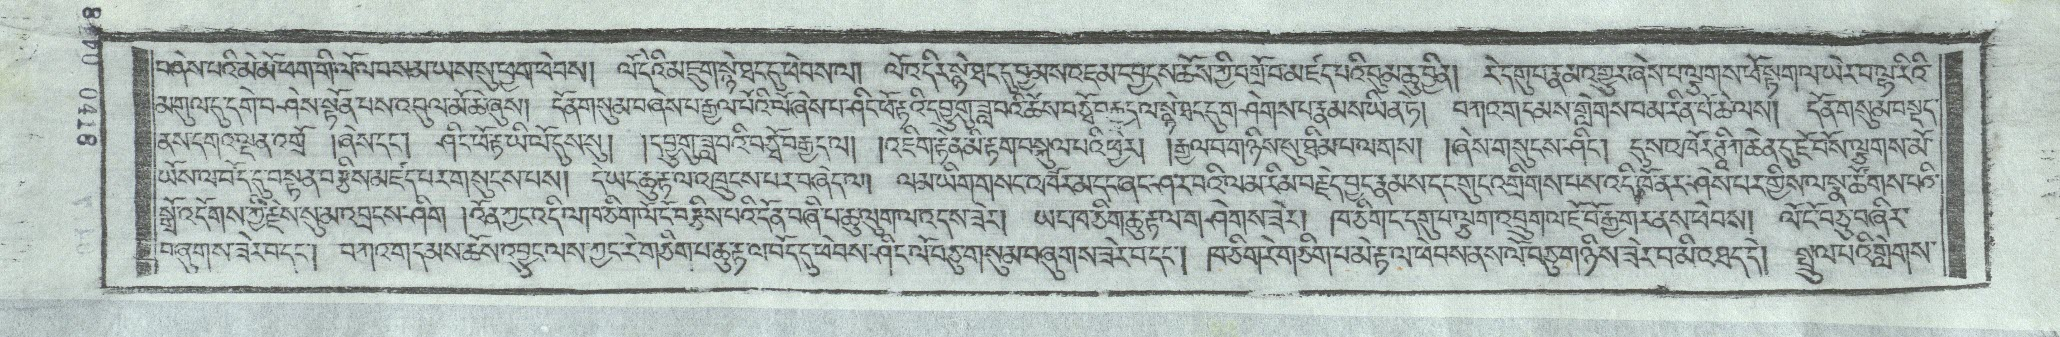བཞེས་པའི་མེ་མོ་ཕག་གི་ལོ་ལ་བསམ་ཡས་སུ་ཕྱག་ཕེབས། ལོ་དེའི་མཇུག་སྙེ་ཐང་དུ་ཕེབས་ལ། ལོ་འདིར་སྙེ་ཐང་དུ་བྱམས་འཇམ་དབྱངས་ཆོས་ཀྱི་བགྲོ་བ་མཛད་པའི་བུམ་ཆུ་བྱིན། རེ་དགུ་པ་རྣམ་འགྱུར་ཞེས་པ་ལྕགས་ཕོ་སྟག་ལ་ཡེར་བ་ལྷ་རིའི་
མགུལ་དུ་དགེ་བཤེས་སྟོན་པས་འབུལ་མོ་ཆེ་ཞུས། དོན་གསུམ་བཞེས་པ་རྒྱལ་པོའི་ལོ་ཞེས་པ་ཤིང་ཕོ་རྟའི་དབྱུ་གུ་ཟླ་བའི་ཚེས་བཅྭོ་བརྒྱད་ལ་སྙེ་ཐང་དུ་གཤེགས་པ་རྣམས་ཡིན་ཏེ། བཀའ་གདམས་གླེགས་བམ་རིན་པོ་ཆེ་ལས། དོན་གསུམ་བསྡད་
ནས་དགའ་ལྡན་འགྲོ་།ཞེས་དང་། ཤིང་ཡོ་རྟ་ཡི་ལོ་དུས་སུ། །དབྱུ་གུ་ཟླ་བའི་བཅྭོ་བརྒྱད་ལ། །འཇིག་རྟེན་མི་རྟག་བསྐུལ་པའི་ཕྱིར། །རྒྱལ་བ་གཉིས་སུ་ཐིམ་པ་ལགས། །ཞེས་གསུངས་ཤིང་། དུས་འཁོར་ཊཱིཀ་ཆེན་དུ་ཇོ་བོས་ལྕགས་མོ་
ཡོས་ལ་བོད་དུ་བསྟན་བརྩིས་མཛད་པར་གསུངས་པས། དེ་ཡང་ཆུ་རྟ་ལ་འཁྲུངས་པར་བཞེད་ལ། ལམ་ཡིག་གསང་འཁོར་མ་དང་ཞང་ཤ་ར་བའི་ལམ་རིམ་བརྗེད་བྱང་རྣམས་དང་གུང་འགྲིགས་པས་འདི་ཁོ་ནར་ཤེས་པར་གྱིས་ལ་སྣ་ཚོགས་པའི་
སྒྲོ་འདོགས་ཀྱི་རྗེས་སུ་མ་འབྲངས་ཤིག །འོན་ཀྱང་འདི་ལ་ཁ་ཅིག་ལོ་ངོ་བརྩིས་པའི་དོན་བཞི་པ་ཆུ་ལུག་ལ་འདས་ཟེར། ཡང་ཁ་ཅིག་ཆུ་རྟ་ལ་གཤེགས་ཟེར། ཁ་ཅིག་ང་དགུ་པ་ལྕག་འབྲུག་ལ་ཇོ་བོ་རྒྱ་གར་ནས་ཕེབས། ལོ་ངོ་བཅུ་བཞིར་
བཞུགས་ཟེར་བ་དང་། བཀའ་གདམས་ཆོས་འབྱུང་ལས་ཀྱང་རེ་གཅིག་པ་ཆུ་རྟ་ལ་བོད་དུ་ཕེབས་ཤིང་ལོ་བཅུ་གསུམ་བཞུགས་ཟེར་བ་དང་། ཁ་ཅིག་རེ་གཅིག་པ་མེ་རྟ་ལ་ཕེབས་ནས་ལོ་བཅུ་གཉིས་ཟེར་བ་མི་འཐད་དེ། སྦྲུལ་པའི་གླེགས་